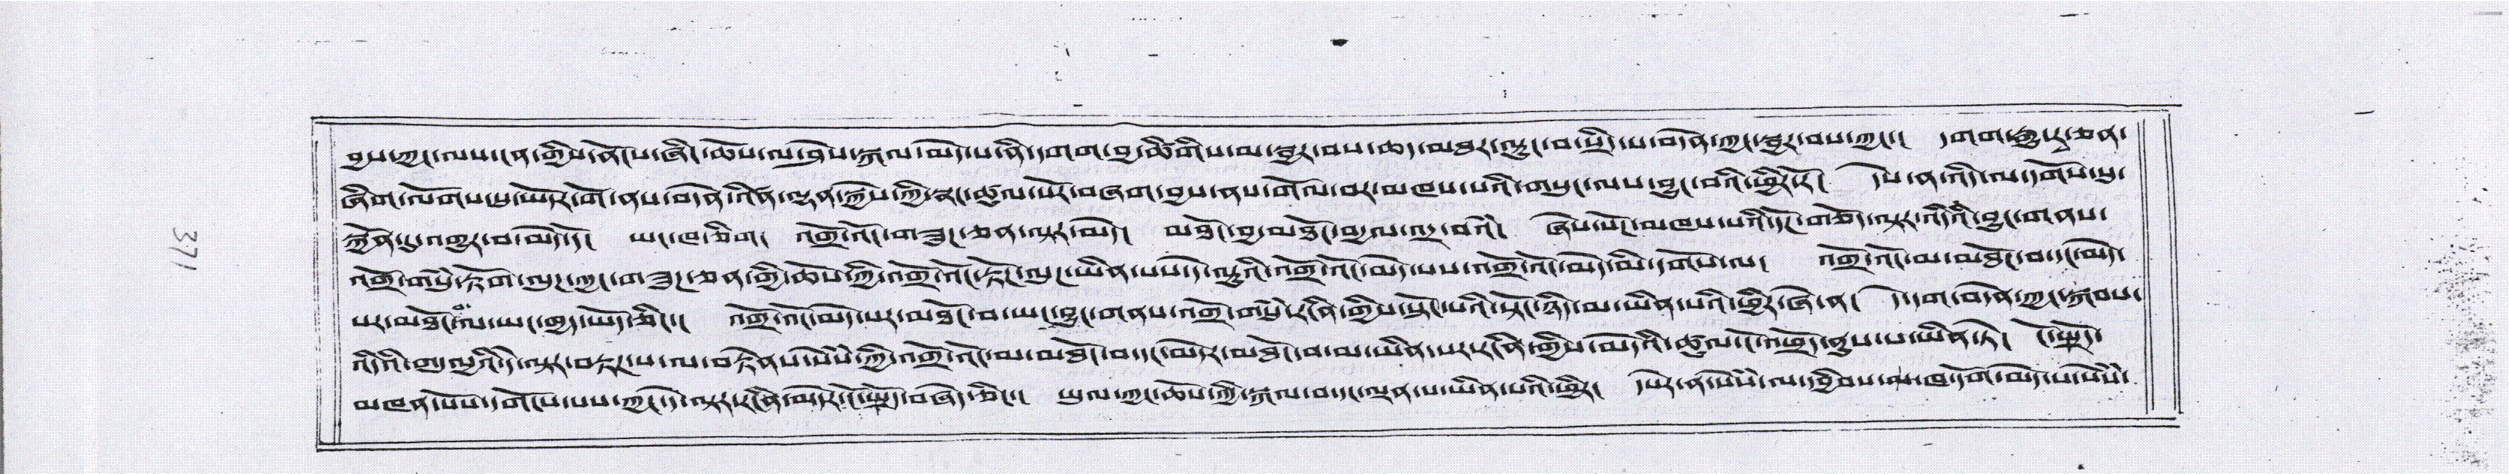བྱས་ཀྱང་ལས་ངན་གྱིས་ནོངས་ཞིང་ཆོས་ལ་ཤེས་སྐལ་མེད་པ་ནི་དགག་བྱ་ཚིག་གིས་མ་སྦྱར་བས་ཆད་མཐར་ལྟུང་བ་སྲིད་པ་བདེན་ཀྱང་སྦྱར་བས་ཀྱང། དགག་རྒྱུ་རྭ་ཅན་
ཞིག་ལོགས་སུ་ཡོད་པར་གོ་ནས་བདེན་འཛིན་ལྷན་སྐྱེས་ཀྱི་སྣང་ཚུལ་སོར་བཞག་བྱས་ནས་གོལ་བར་མཁས་པའི་གསུང་ལས་བྱུང་བའི་ཕྱིར་རོ། དེས་ན་འདི་ལ་དགོས་སུ་
སྐྱོན་དུ་འགྱུར་བ་མེད་དོ། ཡང་ཁ་ཅིག འགྲོ་འོང་གཟུགས་ཅན་ལྟར་མེད། མཐོང་བྱ་མཐོང་བརྒྱལ་འདྲ་བའམ། ཞེས་སོགས་མཁས་པའི་དོགས་གཅོད་ལྟར་འདིའི་བྱུང་གནས་
འགྲོ་གསུམ་རྟོག་ལུགས་ཀྱང་གཟུགས་ཅན་གྱི་ཆོས་ཀྱི་འགྲོ་འོང་རྟོགས་ལུགས་ཡིན་པས་དེ་ལྟ་བུའི་འགྲོ་འོང་མེད་པས་འགྲོ་འོང་མེད་མི་དགོས་ལ། འགྲོ་འོང་མ་མཐོང་བ་དང་མེད་
པར་མཐོང་བ་ལ་ཡང་ཁྱད་ཡོད་ཅིང། འགྲོ་འོང་མེད་པར་མཐོང་བ་ཡང་འབྱུང་གནས་འགྲོ་གསུམ་རང་བཞིན་གྱིས་སྟོང་པའི་སྟོང་ཉིད་མ་ཡིན་པའི་ཕྱིར་ཞེ་ན། དེ་དག་བདེན་ཀྱང་སྐབས་
འདིའི་གདུལ་བྱའི་དེ་ལྟར་བརྟགས་པ་ལ་བརྟེན་ནས་སེམས་ཀྱི་འགྲོ་འོང་མ་མཐོང་བ་དང་མེད་པར་མཐོང་བ་མ་ཡིན་པར་རང་བཞིན་གྱིས་མདོའི་ཚུལ་ངོ་འཕྲོད་ནུས་པ་ཡིན་ཏེ། ངོ་སྤྲོད་
མཁན་པོས་དགོངས་པས་ཀྱང་དེ་ལྟར་རང་བཞིན་མེད་པར་ངོ་སྤྲོད་བཞེད་ཅིང། ཡུལ་ཀྱང་ཆོས་ཀྱི་སྐལ་བ་དང་ལྡན་པ་ཡིན་པའི་ཕྱིར། དཔེར་ན་སེམས་ལ་དབྱིབས་ཁ་དོག་མེད་པ་སེམས་